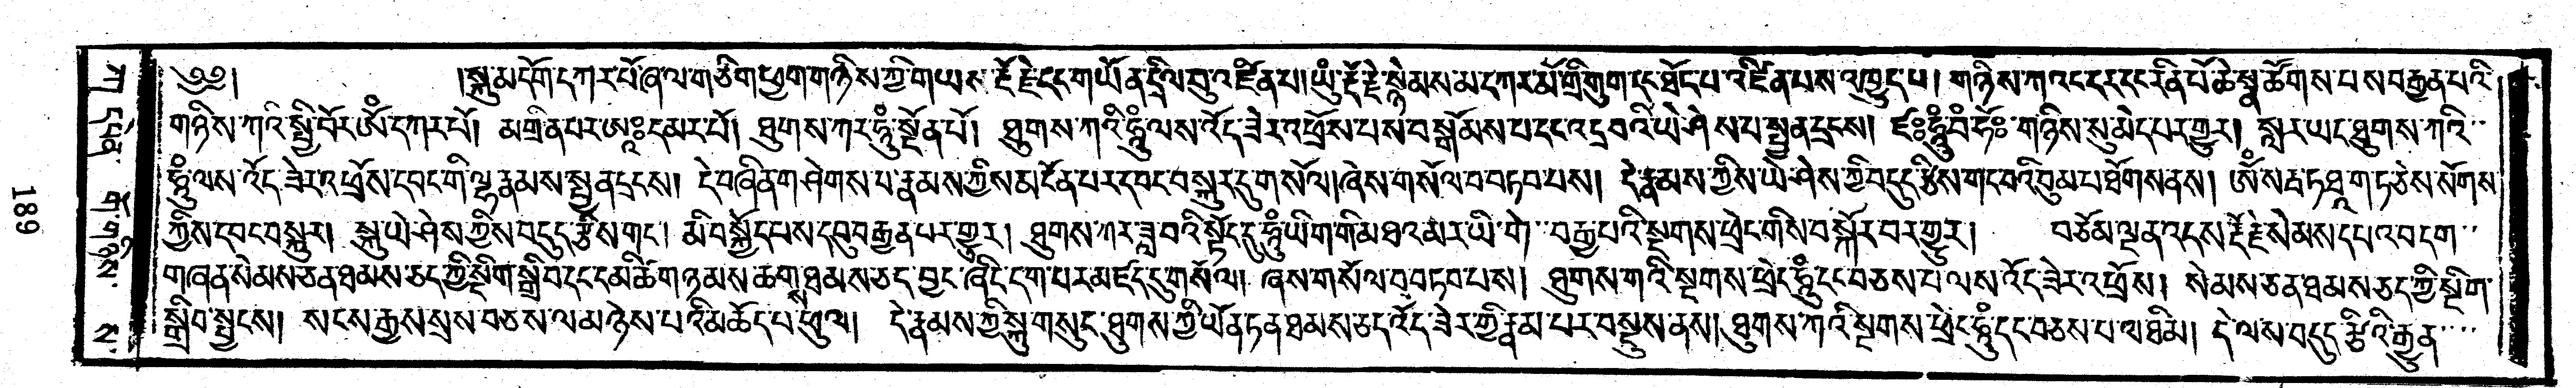༄༅། །སྐུ་མདོག་དཀར་པོ་ཞལ་གཅིག་ཕྱག་གཉིས་ཀྱི་གཡས་རྡོ་རྗེ་དང་གཡོན་དྲིལ་བུ་འཛིན་པ། ཡུཾ་རྡོ་རྗེ་སྙེམས་མ་དཀར་མོ་གྲི་གུག་དང་ཐོད་པ་འཛིན་པས་འཁྱུད་པ། གཉིས་ཀའང་ངར་དང་རིན་པོ་ཆེ་སྣ་ཚོགས་པས་བརྒྱན་པའི་
གཉིས་ཀའི་སྤྱི་བོར་ཨོཾ་དཀར་པོ། མགྲིན་པར་ཨཱཿ དམར་པོ། ཐུགས་ཀར་ཧཱུཾ་སྔོན་པོ། ཐུགས་ཀའི་ཧཱུཾ་ལས་འོད་ཟེར་འཕྲོས་པས་བསྒོམས་པ་དང་འདྲ་བའི་ཡེ་ཤེས་པ་སྤྱན་དྲངས། ཛཿ ཧཱུཾ་བཾ་ཧོཿ གཉིས་སུ་མེད་པར་གྱུར། སླར་ཡང་ཐུགས་ཀའི་
ཧཱུཾ་ལས་འོད་ཟེར་འཕྲོས་དབང་གི་ལྷ་རྣམས་སྤྱན་དྲངས། དེ་བཞིན་གཤེགས་པ་རྣམས་ཀྱིས་མངོན་པར་དབང་བསྐུར་དུ་གསོལ། ཞེས་གསོལ་བ་བཏབ་པས། དེ་རྣམས་ཀྱིས་ཡེ་ཤེས་ཀྱི་བདུད་རྩིས་གང་བའི་བུམ་པ་ཐོགས་ནས། ཨོཾ་སརྦ་ཏ་ཐཱ་ག་ཏ་ཅེས་སོགས་
ཀྱིས་དབང་བསྐུར། སྐུ་ཡེ་ཤེས་ཀྱིས་བདུད་རྩིས་གང་། མི་བསྐྱོད་པས་དབུ་བརྒྱན་པར་གྱུར། ཐུགས་ཀར་ཟླ་བའི་སྟོང་དུ་ཧཱུཾ་ཡིག་གི་མཐའ་མར་ཡི་གེ་བརྒྱ་པའི་སྔགས་ཕྲེང་གིས་བསྐོར་བར་གྱུར། བཅོམ་ལྡན་འདས་རྡོ་རྗེ་སེམས་དཔའ་བདག་
གཞན་སེམས་ཅན་ཐམས་ཅད་ཀྱི་སྡིག་སྒྲིབ་དང་དམ་ཚིག་ཉམས་ཆགས་ཐམས་ཅད་བྱང་ཞིང་དག་པར་མཛད་དུ་གསོལ། ཞས་གསོལ་བ་བཏབ་པས། ཐུགས་གའི་སྔགས་ཕྲེང་ཧཱུཾ་དང་བཅས་པ་ལས་འོད་ཟེར་འཕྲོས། སེམས་ཅན་ཐམས་ཅད་ཀྱི་སྡིག་
སྒྲིབ་སྤྱངས། སངས་རྒྱས་སྲས་བཅས་ལ་མཉེས་པའི་མཆོད་པ་ཕུལ། དེ་རྣམས་ཀྱི་སྐུ་གསུང་ཐུགས་ཀྱི་ཡོན་ཏན་ཐམས་ཅད་འོད་ཟེར་གྱི་རྣམ་པར་བསྡུས་ནས། ཐུགས་ཀའི་སྔགས་ཕྲེང་ཧཱུཾ་དང་བཅས་པ་ལ་ཐིམ། དེ་ལས་བདུད་རྩིའི་རྒྱུན་